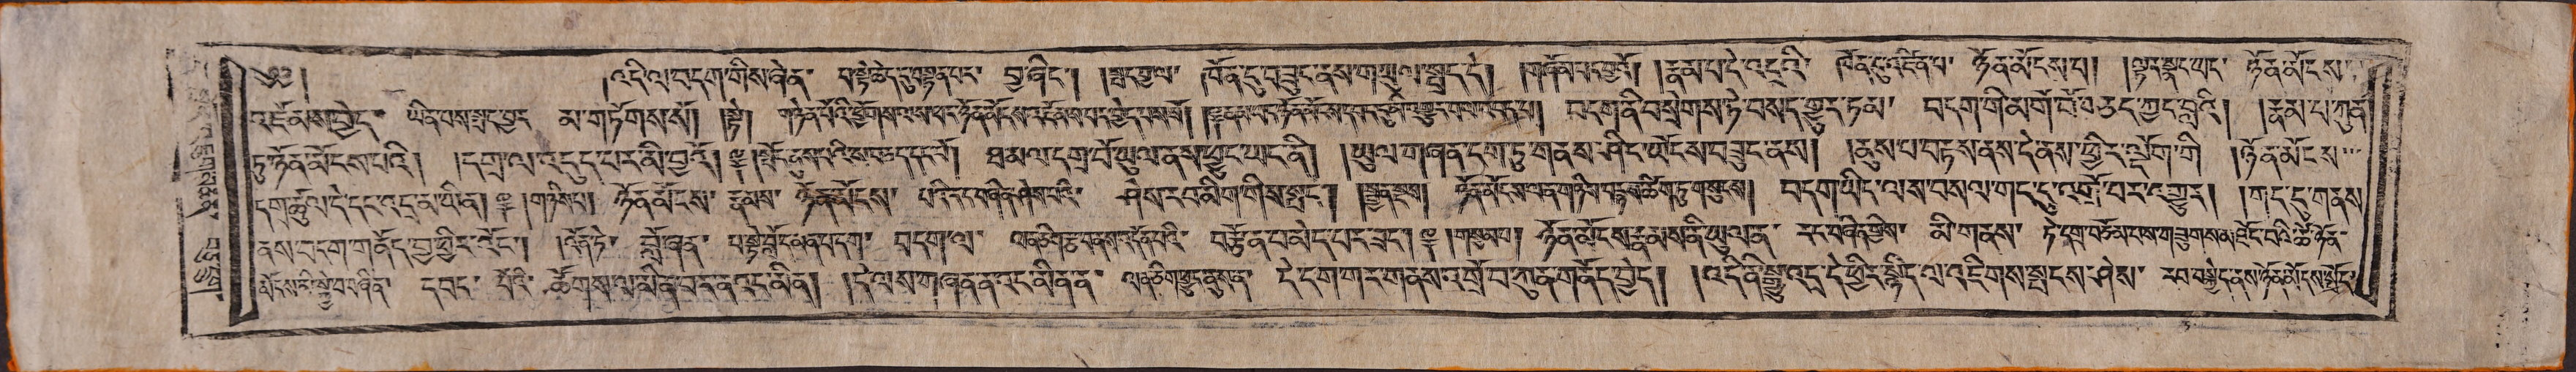༄༅། །འདི་ལ་བདག་གིས་ཞེན་པ་སྟེ་ཆེད་དུ་བསྟན་པར་བྱ་ཞིང་། །སྤང་བྱ་ལ་ཁོ་ན་དུ་བཟུང་ནས་གཡུལ་སྤྲད་དེ། །གཞོམ་པར་བྱའོ།  །རྣམ་པ་དེ་འདྲའི་ཁོན་དུ་འཛིན་པ་ཉོན་མོངས་པ། །ལྟར་སྣང་ཡང་ཉོན་མོངས་
འཇོམས་བྱེད་ཡིན་པས་སྤང་བྱར་མ་གཏོགས་སོ། །སྟེ། གཉེན་པོའི་ཕྱོགས་ལས་ཕར་ཉོན་མོངས་འཇོམས་པར་བྱེད་པས་སོ༑ ༑༈ནམ་ཡང་ཉོན་མོངས་དབང་དུ་མི་འགྱུར་བ་ལ་འབད་པ།  བདག་ནི་བསྲེགས་ཏེ་བསད་གྱུར་ཏམ། །བདག་གི་མགོ་བོ་བཅད་ཀྱང་བླའི། །རྣམ་པ་ཀུན་
ཏུ་ཉོན་མོངས་པའི། །དགྲ་ལ་འདུད་པར་མི་བྱའོ། ༈ །སྤོང་ནུས་པའི་ས་བཅད་དང་པོ།  ཐ་མལ་དགྲ་བོ་ཡུལ་ནས་ཕྱུང་ཡང་ནི། །ཡུལ་གཞན་དག་ཏུ་གནས་ཤིང་ཡོངས་བཟུང་ནས། །ནུས་པ་བརྟས་ནས་དེ་ནས་ཕྱིར་ལྡོག་གི །ཉོན་མོངས་
དགྲ་ཚུལ་དེ་དང་འདྲ་མ་ཡིན། ༈ །གཉིས་པ།  ཉོན་མོངས་རྣམས་ཉོན་མོངས་བའི་རང་བཞིན་ཤེས་པའི་ཤེས་རབ་མིག་གིས་སྤང་། །སྤྱན་སྔས། ཉོན་མོངས་ལན་གཉིས་བརྙས་ཚིག་ཏུ་གསུངས།  བདག་ཡིད་ལས་བསལ་གང་དུ་འགྲོ་བར་འགྱུར། །གང་དུ་གནས་
ནས་བདག་གནོད་བྱ་ཕྱིར་འོང་། འོན་ཏེ་བློ་ཞན་པ་སྟེ་བློ་དམན་པ་དག་བདག་ལ་ལན་ཅིག་རྩ་བ་ནས་འདོན་པའི་བརྩོན་པ་མེད་པར་ཟད། ༈ །གསུམ་པ་ཉོན་མོངས་རྣམས་ནི་ཡུལ་ན་རང་བཞིན་གྱིས་མི་གནས་ཏེ་དགྲ་བཅོམ་པས་གཟུགས་མཐོང་བའི་ཚེ་ཉོན་
མོངས་མི་སྐྱེ་བ་བཞིན་དབང་པོའི་ཚོགས་ལ་མིན་པར་ན་འང་མིན། །དེ་ལས་གཞན་ནའང་མིན་ན་ལན་ཅིག་བྱུང་ནུས་ན་དེ་དག་གར་གནས་འགྲོ་བ་ཀུན་གནོད་བྱེད། །འདི་ནི་སྒྱུ་འདྲ་དེ་ཕྱིར་སྙིང་ལ་འཇིགས་སྤངས་ཤེས་རབ་བསྐྱེད་ནས་ཉོན་མོངས་སྤོང་